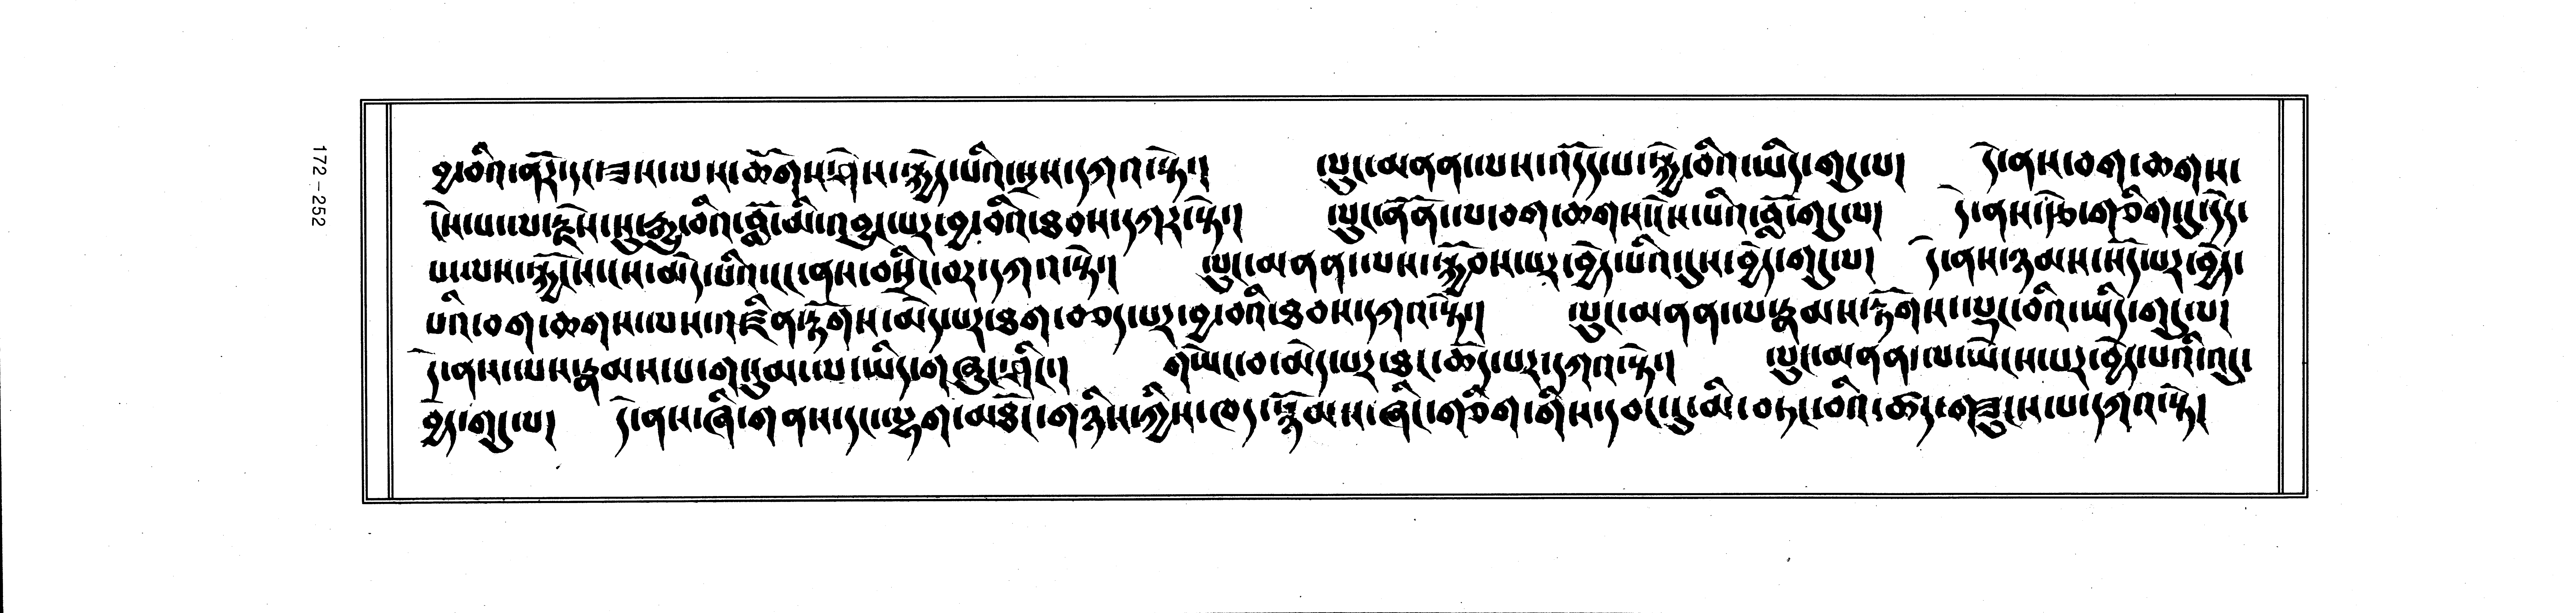བྱ་བའི་ནོར་དང་ཟས་ལས་ཆོགས་ཤེས་སྐྱེད་པའི་སྲས་དཀའ་སྟེ། ལུང་མནན་ལས་འདོད་པ་སྐྱེ་བའི་ཡིད་གདུལ། དེ་ནས་བག་ཆགས་
ངེས་པ་ལ་རྗེས་སུ་རྒྱུ་བའི་བློ་མི་འབྱུང་པར་བྱ་བའི་ཐབས་དཀའ་སྟེ། ལུང་ནོན་ལ་བག་ཆགས་ངེས་པའི་བློ་གདུལ། དེ་ནས་རྩེ་གཅིག་དུ་དད་
པ་ལས་སྐྱོ་ངལ་མེད་པའི་ངང་ནས་བསྲིང་བར་དཀའ་སྟེ། ལུང་མནན་ལས་སྐྱོབས་པར་བྱེད་པའི་དུས་བྱེད་གདུལ། དེ་ནས་ཉམས་སོད་པར་བྱེད་
པའི་བག་ཆགས་ལས་འཛིན་རྟོགས་མེད་པར་ཐག་བཅད་པར་བྱ་བའི་ཐབས་དཀའ་སྟེ། ལུང་མནན་ལ་རྣམ་རྟོགས་ལྡང་བའི་ཡིད་གདུལ། 
དེ་ནས་ལས་རྣམ་པ་གསུམ་ལ་ཡིད་གཞུང་ཤིང་། གཡེང་བ་མེད་པར་ཐང་ཆོད་པར་དཀའ་སྟེ། ལུང་མནན་ལ་གཡེངས་པར་བྱེད་པའི་འདུ་
བྱེད་གདུལ། དེ་ནས་ཞི་གནས་དང་ལྷག་མཐོང་གཉིས་ཁད་སྙོམས་ཞིང་གཅིག་གིས་དབང་དུ་མི་བཏང་བའི་ཚད་བཟུང་པ་དཀའ་སྟེ།